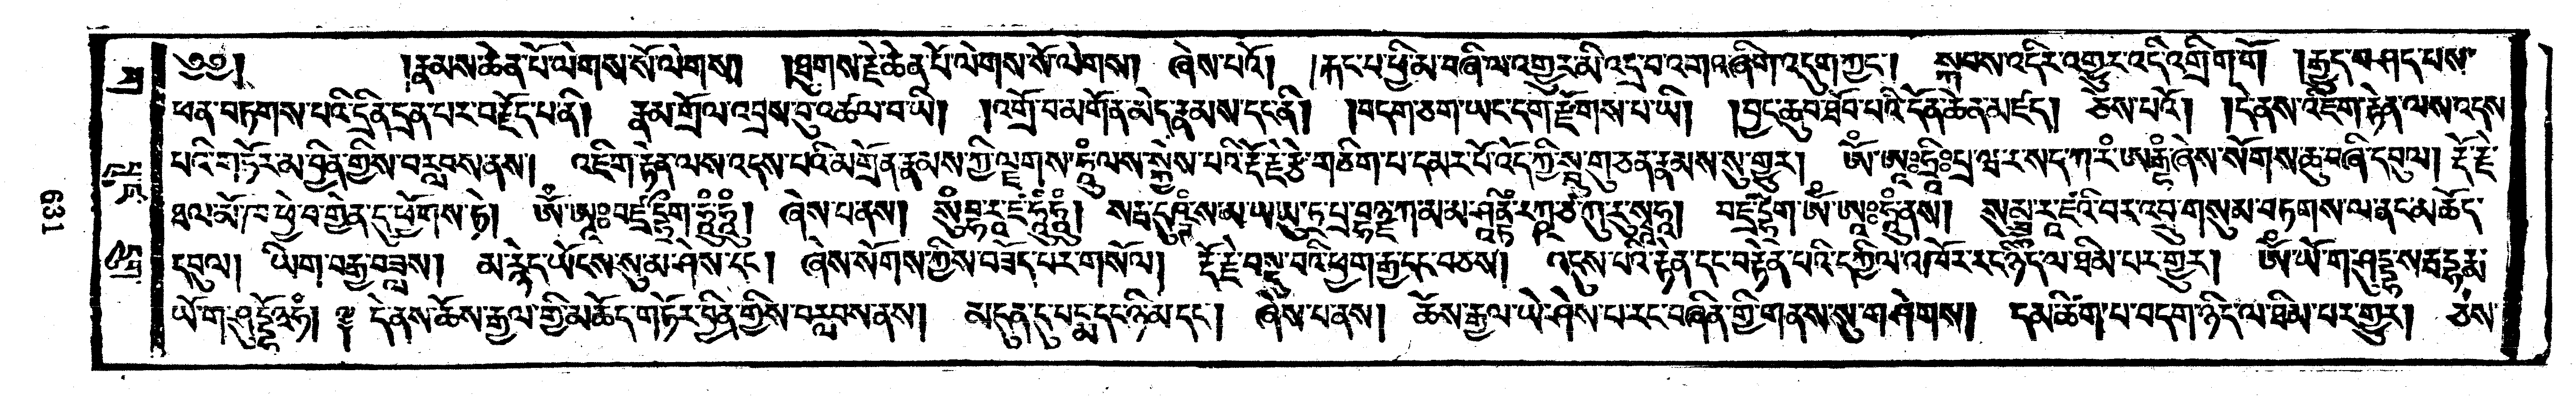༄༅། །རྣམས་ཆེན་པོ་ལེགས་སོ་ལེགས། །ཐུགས་རྗེ་ཆེན་པོ་ལེགས་སོ་ལེགས། ཞེས་པའོ། །རྐང་པ་ཕྱི་མ་བཞི་ལ་འགྱུར་མི་འདྲ་བ་འགའ་ཞིག་འདུག་ཀྱང་། སྐབས་འདིར་འགྱུར་འདི་འགྲིག་གོ། །རྒྱུད་བཤད་པས་
ཕན་བཏགས་པའི་དྲིན་དྲན་པར་བརྗོད་པ་ནི། རྣམ་གྲོལ་འབྲས་བུ་འཚལ་བ་ཡི། །འགྲོ་བ་མགོན་མེད་རྣམས་དང་ནི། །བདག་ཅག་ཡང་དག་རྫོགས་པ་ཡི། །བྱང་ཆུབ་ཐོབ་པའི་དོན་ཆེན་མཛད། ཅེས་པའོ། །དེ་ནས་འཇིག་རྟེན་ལས་འདས་
པའི་གཏོར་མ་བྱིན་གྱིས་བརླབས་ནས། འཇིག་རྟེན་ལས་འདས་པའི་མགྲོན་རྣམས་ཀྱི་ལྗགས་ཧཱུཾ་ལས་སྐྱེས་པའི་རྡོ་རྗེ་རྩེ་གཅིག་པ་དམར་པོ་འོད་ཀྱི་སྦུ་གུ་ཅན་རྣམས་སུ་གྱུར། ཨོཾ་ཨཱཿ ཧྲཱིཿ པྲ་ཝ་ར་སད་ཀ་རཾ་ཨརྒྷཾ་ཞེས་སོགས་ཆུ་བཞི་དབུལ། རྡོ་རྗེ་
ཐལ་མོ་ཁ་ཕྱེ་བ་གྱེན་དུ་ཕྱོགས་ཏེ། ཨོཾ་ཨཱཿ བཛྲ་དྷྲྀག་ཧཱུཾ་ཧཱུཾ། ཞེས་པ་ནས། སུཾབྷ་རཱ་ཛ་ཧཱུཾ་ཧཱུཾ། སརྦ་དུཥྚཾ། ས་མ་ཡ་ཡུ་ཏྲ་པྲ་བྷཉྫ་ཀ་མ་མ་ཤཱནྟིཾ་རཀྵ་ཙ་ཀུ་རུ་སྭཱཧཱ། བཛྲ་དྷག་ཨོཾ་ཨཱཿ ཧཱུཾ་ནས། སུམྦྷ་རཱ་ཛའི་བར་འབྲུ་གསུམ་བཏགས་ལ་ནང་མཆོད་
དབུལ། ཡིག་བརྒྱ་བཟླས། མ་རྙེད་ཡོངས་སུ་མ་ཤེས་དང་། ཞེས་སོགས་ཀྱིས་བཟོད་པར་གསོལ། རྡོ་རྗེ་བསྡུ་བའི་ཕྱག་རྒྱ་དང་བཅས། འདུས་པའི་རྟེན་དང་བརྟེན་པའི་དཀྱིལ་འཁོར་རང་ཉིད་ལ་ཐིམ་པར་གྱུར། ཨོཾ་ཡོ་ག་ཤུདྡྷ་སརྦདྷྲྨ་
ཡོ་ག་ཤུདྡྷོཎཡཧཾ། ༈ དེ་ནས་ཆོས་རྒྱལ་གྱི་མཆོད་གཏོར་བྱིན་གྱིས་བརླབས་ནས། མདུན་དུ་པདམ་དང་ཉི་མ་དང་། ཞེས་པ་ནས། ཆོས་རྒྱལ་ཡེ་ཤེས་པ་རང་བཞིན་གྱི་གནས་སུ་གཤེགས། དམ་ཚིག་པ་བདག་ཉིད་ལ་ཐིམ་པར་གྱུར། ཅེས་